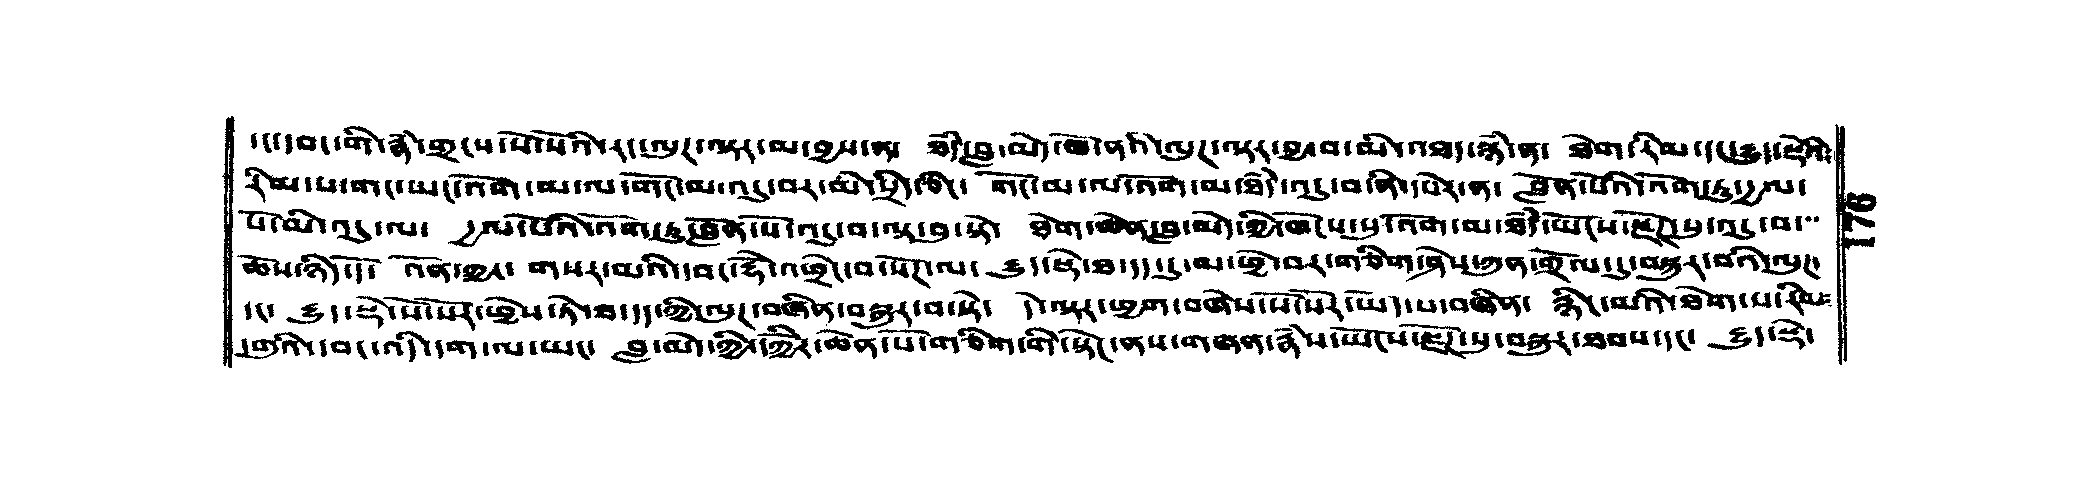དང་དབང་གི་རྣམ་གྲངས་སོ་སོའི་རང་ལུགས་ལྟར་མ་བྱས་ན།ཐམས་ཅད་བླ་མེད་ཁོ་ནའི་ལུགས་ལྟར་བྱ་བ་མི་འཐད་སྙམ་ན། ཐེག་རིམ་དང་རྒྱུད་སྡེའི་
རིམ་པ་གང་ཡང་འོག་མ་ལ་གོང་མ་འདུ་བར་མི་སྲིད་ཅིང་། གོང་མ་ལ་འོག་མ་ཐམས་ཅད་འདུ་བ་ནི་དཔེར་ན། བློན་པོའི་འོག་ཏུ་རྒྱལ་
པོ་མི་འདུ་ལ། རྒྱལ་པོའི་འོག་ཏུ་བློན་པོ་འདུ་བ་ལྟ་བུ་སྟེ། ཐེག་ཆེན་བླ་མེད་ཀྱི་ཁོངས་སུ་འོག་མ་ཐམས་ཅད་ཡོངས་རྫོགས་སུ་འདུ་བ་
ཆོས་ཉིད་དོ། འོན་ཀྱང་། གསར་མའི་དབང་རྡོ་རྗེ་འཕྲེང་བ་སོགས་ལ། རྒྱུད་སྡེ་ཐ་དད་དུ་མ་ཕྱེ་བར་གཅིག་ཤེས་ཀུན་གྲོལ་དུ་བསྐུར་བའི་ལུགས་
དང་། རྒྱུད་སྡེ་སོ་སོར་ཕྱེས་ཏེ་ཐ་དད་ཀྱི་ལུགས་བཞིན་བསྐུར་བ་སྟེ། དེ་ལྟར་ཕྱག་བཞེས་སོ་སོར་ཡོད་པ་བཞིན། རྙིང་མའི་ཐེག་པ་རིམ་
དགུའི་དབང་འདི་དག་ལ་ཡང་། བླ་མེད་ཀྱི་དཀྱིལ་འཁོར་ཆེན་པོ་གཅིག་གི་སྟེང་ནས་གཞན་རྣམས་ཡོངས་རྫོགས་སུ་བསྐུར་ཐབས་དང་། རྒྱུད་སྡེ་